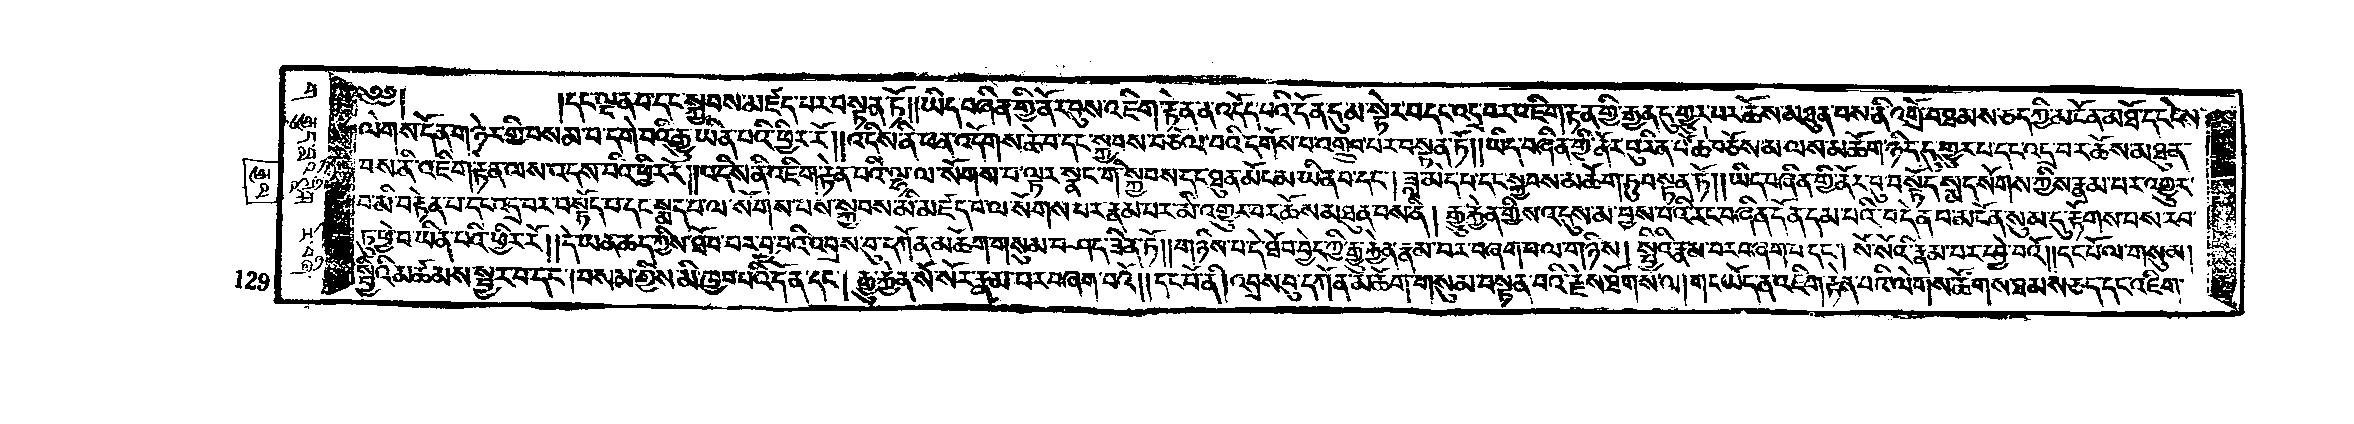༄༅། །དང་ལྡན་པ་དང་སྐྱབས་མཛད་པར་བསྟན་ཏོ། །ཡིད་བཞིན་གྱི་ནོར་བུས་འཇིག་རྟེན་ན་འདོད་པའི་དོན་དུ་མ་སྟེར་བ་དང་འདྲ་བར་འཇིག་རྟེན་གྱི་རྒྱན་དུ་གྱུར་པར་ཆོས་མཐུན་པས་ནི་འགྲོ་བ་ཐམས་ཅད་ཀྱི་མངོན་མཐོ་དང་ངེས་
ལེགས་དོན་གཉེར་གྱི་བསམ་པ་དགེ་བའི་རྒྱུ་ཡིན་པའི་ཕྱིར་རོ། །འདིས་ནི་ཕན་འདོགས་ཆེ་བ་དང་སྐྱབས་བཅོལ་བའི་དགོས་པ་འགྲུབ་པར་བསྟན་ཏོ། །ཡིད་བཞིན་གྱི་ནོར་བུ་རིན་པོ་ཆེ་བཅོས་མ་ལས་མཆོག་ཉིད་དུ་གྱུར་པ་དང་འདྲ་བར་ཆོས་མཐུན་
པས་ནི་འཇིག་རྟེན་ལས་འདས་པའི་ཕྱིར་རོ། །འདིས་ནི་འཇིག་རྟེན་པའི་ལྷ་ལ་སོགས་པ་ལྟར་སྣང་གི་སྐྱབས་དང་ཐུན་མོང་མ་ཡིན་པ་དང་། ཟླ་མེད་པ་དང་སྐྱབས་མཆོག་ཏུ་བསྟན་ཏོ། །ཡིད་བཞིན་གྱི་ནོར་བུ་བསྟོད་སྨད་སོགས་ཀྱིས་རྣམ་པར་འགྱུར་
བ་མི་བརྟེན་པ་དང་འདྲ་བར་བསྟོད་པ་དང་སྨད་པ་ལ་སོགས་པས་སྐྱབས་མི་མཛད་པ་ལ་སོགས་པར་རྣམ་པར་མི་འགྱུར་བར་ཆོས་མཐུན་པས་ནི། རྒྱུ་རྐྱེན་གྱིས་འདུས་མ་བྱས་པའི་རང་བཞིན་དོན་དམ་པའི་བདེན་པ་མངོན་སུམ་དུ་རྟོགས་པས་རབ་
ཏུ་ཕྱེ་བ་ཡིན་པའི་ཕྱིར་རོ། །དེ་ཡན་ཆད་ཀྱིས་ཐོབ་པར་བྱ་བའི་འབྲས་བུ་དཀོན་མཆོག་གསུམ་བཤད་ཟིན་ཏོ། །གཉིས་པ་དེ་ཐོབ་བྱེད་ཀྱི་རྒྱུ་རྐྱེན་རྣམ་པར་བཞག་པ་ལ་གཉིས། སྤྱིའི་རྣམ་པར་བཞག་པ་དང་། སོ་སོའི་རྣམ་པར་དབྱེ་བའོ། །དང་པོ་ལ་གསུམ།
སྤྱིའི་མཚམས་སྦྱར་བ་དང་། བསམ་གྱིས་མི་ཁྱབ་པའི་དོན་དང་། རྒྱུ་རྐྱེན་སོ་སོར་རྣམ་པར་བཞག་པའོ། །དང་པོ་ནི། འབྲས་བུ་དཀོན་མཆོག་གསུམ་བསྟན་པའི་རྗེས་ཐོགས་ལ། གང་ཡོད་ན་འཇིག་རྟེན་པའི་ལེགས་ཚོགས་ཐམས་ཅད་དང་འཇིག་